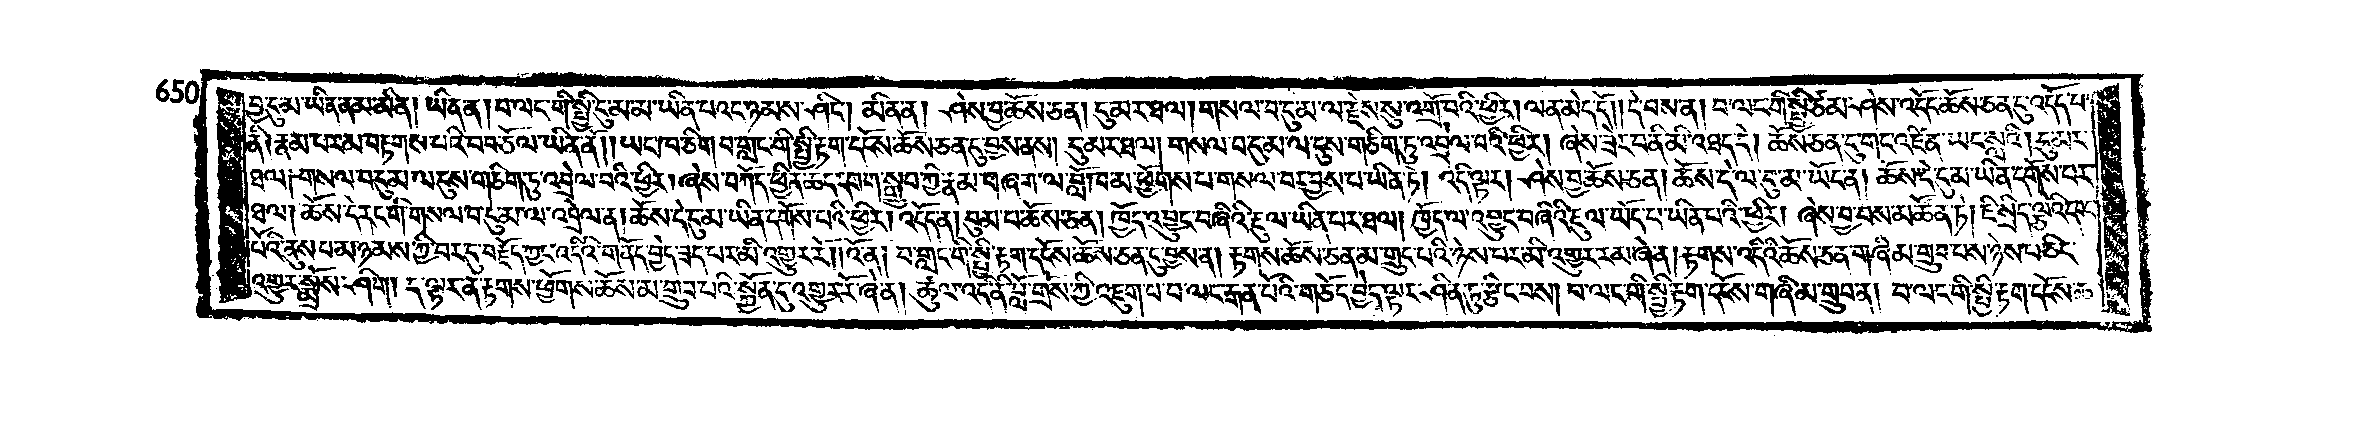བྱ་དུ་མ་ཡིན་ནམ་མིན། ཡིན་ན། བ་ལང་གི་སྤྱི་དུ་མ་མ་ཡིན་པའང་ཉམས་ཤིང་། མིན་ན། ཤེས་བྱ་ཆོས་ཅན། དུ་མར་ཐལ། གསལ་བ་དུ་མ་ལ་རྗེས་སུ་འགྲོ་བའི་ཕྱིར། ལན་མེད་དོ། །དེ་བས་ན། བ་ལང་གི་སྤྱི་ཙམ་ཤེས་འདོད་ཆོས་ཅན་དུ་འདོད་པ་
ནི། རྣམ་པར་མ་བརྟགས་པའི་བབ་ཅོལ་ཡིན་ནོ། །ཡང་ཁ་ཅིག་བ་གླང་གི་སྤྱི་རྟག་དངོས་ཆོས་ཅན་དུ་བྱས་ནས། དུ་མར་ཐལ། གསལ་བ་དུ་མ་ལ་དུས་གཅིག་ཏུ་འབྲེལ་བའི་ཕྱིར། ཞེས་ཟེར་བ་ནི་མི་འཐད་དེ། ཆོས་ཅན་དུ་གང་འཛིན་ཡང་སླའི། དུ་མར་
ཐལ། གསལ་བ་དུ་མ་ལ་དུས་གཅིག་ཏུ་འབྲེལ་བའི་ཕྱིར། ཞེས་བཀོད་ཕྱིན་ཆད་དགག་སྒྲུབ་ཀྱི་རྣམ་གཞག་ལ་བློ་ཁ་མ་ཕྱོགས་པ་གསལ་བར་བྱས་པ་ཡིན་ཏེ། འདི་ལྟར། ཤེས་བྱ་ཆོས་ཅན། ཆོས་དེ་ལ་དུ་མ་ཡོད་ན། ཆོས་དེ་དུ་མ་ཡིན་དགོས་པར་
ཐལ། ཆོས་དེ་རང་གི་གསལ་བ་དུ་མ་ལ་འབྲེལ་ན། ཆོས་དེ་དུ་མ་ཡིན་དགོས་པའི་ཕྱིར། འདོད་ན། བུམ་པ་ཆོས་ཅན། ཁྱོད་འབྱུང་བཞིའི་རྡུལ་ཡིན་པར་ཐལ། ཁྱོད་ལ་འབྱུང་བཞིའི་རྡུལ་ཡོད་པ་ཡིན་པའི་ཕྱིར། ཞེས་བྱ་བས་མཚོན་ཏེ། ཇི་སྲིད་ལྕེའི་དབང་
བོའི་ནུས་པ་མ་ཉམས་ཀྱི་བར་དུ་བརྗོད་ཀྱང་འདིའི་གནོད་བྱེད་ཟད་པར་མི་འགྱུར་རོ། །འོ་ན། བ་གླང་གི་སྤྱི་རྟག་དངོས་ཆོས་ཅན་དུ་བྱས་ན། རྟགས་ཆོས་ཅན་མ་གྲུབ་པའི་ཉེས་པར་མི་འགྱུར་རམ་ཞེ་ན། རྟགས་འདིའི་ཆོས་ཅན་གཞི་མ་གྲུབ་པས་ཉེས་པ་ཅིང་
འགྱུར་སྨྲོས་ཤིག །དེ་ལྟར་ན་རྟགས་ཕྱོགས་ཆོས་མ་གྲུབ་པའི་སྐྱོན་དུ་འགྱུར་རོ་ཞེ་ན། ཚུལ་འདི་ནི་བློ་གྲོས་ཀྱི་འཇུག་པ་བ་ལང་རྒན་པོའི་གཅོད་བྱེད་ལྟར་ཤིན་ཏུ་རྩིང་བས། བ་ལང་གི་སྤྱི་རྟག་དངོས་གཞི་མ་གྲུབ་ན། བ་ལང་གི་སྤྱི་རྟག་དངོས་ཆ་